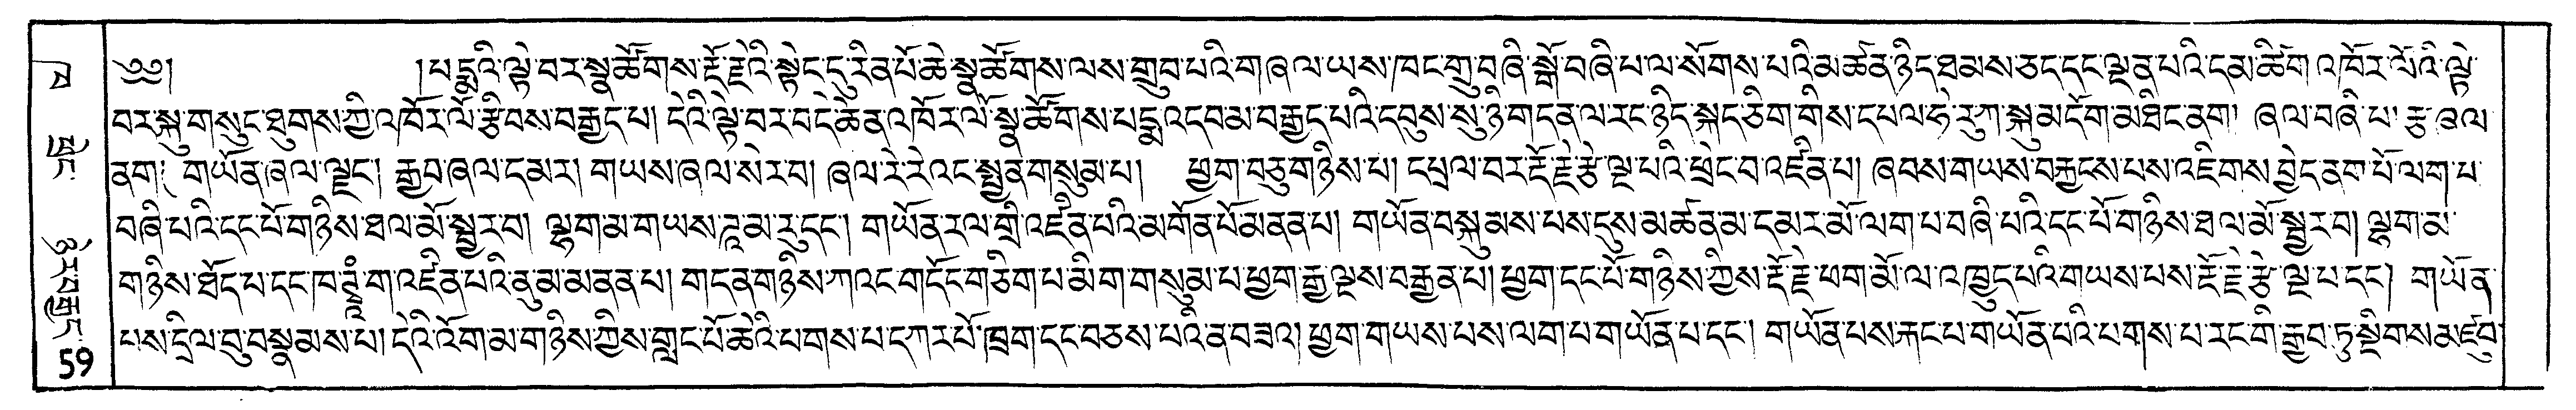༄༅། །པདམའི་ལྟེ་བར་སྣ་ཚོགས་རྡོ་རྗེའི་སྟེང་དུ་རིན་པོ་ཆེ་སྣ་ཚོགས་ལས་གྲུབ་པའི་གཞལ་ཡས་ཁང་གྲུ་བཞི་སྒོ་བཞི་པ་ལ་སོགས་པའི་མཚན་ཉིད་ཐམས་ཅད་དང་ལྡན་པའི་དམ་ཚིག་འཁོར་ལོའི་ལྟེ་
བར་སྐུ་གསུང་ཐུགས་ཀྱི་འཁོར་ལོ་རྩིབས་བརྒྱད་པ། དེའི་ལྟེ་བར་བདེ་ཆེན་འཁོར་ལོ་སྣ་ཚོགས་པདམ་འདབ་མ་བརྒྱད་པའི་དབུས་སུ་ཉི་གདན་ལ་རང་ཉིད་སྐད་ཅིག་གིས་དཔལ་ཧེ་རུ་ཀ་སྐུ་མདོག་མཐིང་ནག །ཞལ་བཞི་པ། རྩ་ཞལ་
ནག །གཡོན་ཞལ་ལྗང་། རྒྱབ་ཞལ་དམར། གཡས་ཞལ་སེར་བ། ཞལ་རེ་རེའང་སྤྱན་གསུམ་པ། ཕྱག་བཅུ་གཉིས་པ། དཔྲལ་བར་རྡོ་རྗེ་རྩེ་ལྔ་པའི་ཕྲེང་བ་འཛིན་པ། ཞབས་གཡས་བརྐྱངས་པས་འཇིགས་བྱེད་ནག་པོ་ལག་པ་
བཞི་པའི་དང་པོ་གཉིས་ཐལ་མོ་སྦྱར་བ། ལྷག་མ་གཡས་ཌཱ་མ་རུ་དང་། གཡོན་རལ་གྲི་འཛིན་པའི་མགོན་པོ་མནན་པ། གཡོན་བསྐུམས་པས་དུས་མཚན་མ་དམར་མོ་ལག་པ་བཞི་པའི་དང་པོ་གཉིས་ཐལ་མོ་སྦྱར་བ། ལྷག་མ་
གཉིས་ཐོད་པ་དང་ཁ་ཊྭཱཾ་ག་འཛིན་པའི་ནུ་མ་མནན་པ། གདན་གཉིས་ཀའང་གདོང་གཅིག་པ་མིག་གསུམ་པ་ཕྱག་རྒྱ་ལྔས་བརྒྱན་པ། ཕྱག་དང་པོ་གཉིས་ཀྱིས་རྡོ་རྗེ་ཕག་མོ་ལ་འཁྱུད་པའི་གཡས་པས་རྡོ་རྗེ་རྩེ་ལྔ་པ་དང་། གཡོན་
པས་དྲིལ་བུ་བསྣམས་པ། དེའི་འོག་མ་གཉིས་ཀྱིས་གླང་པོ་ཆེའི་པགས་པ་དཀར་པོ་ཁྲག་དང་བཅས་པའི་ན་བཟའ། ཕྱག་གཡས་པས་ལག་པ་གཡོན་པ་དང་། གཡོན་པས་རྐང་པ་གཡོན་པའི་པགས་པ་རང་གི་རྒྱབ་ཏུ་སྡིགས་མཛུབ་